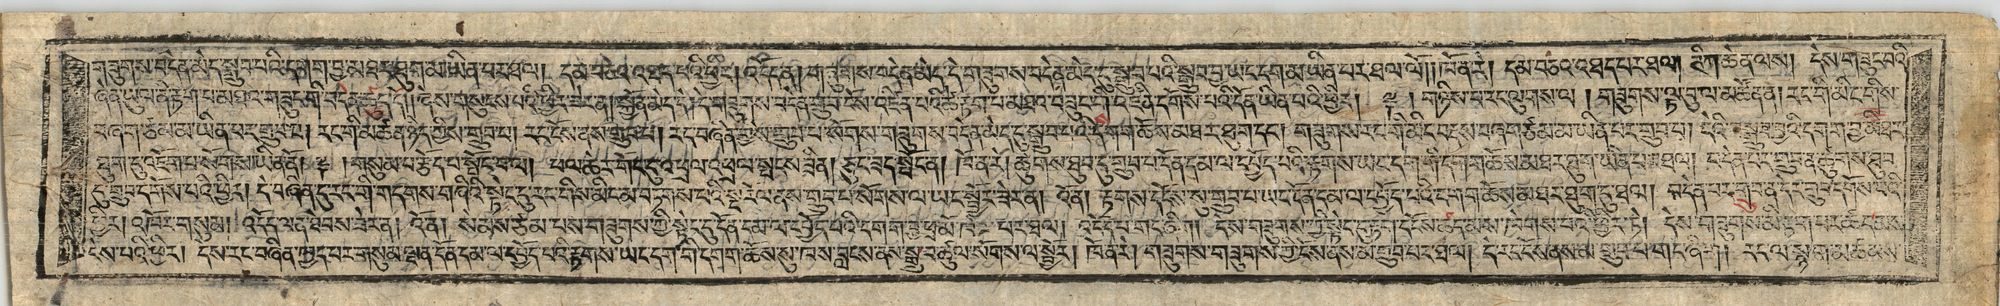གཟུགས་བདེན་མེད་སྒྲུབ་པའི་དགག་བྱ་མཐར་ཐུག་མ་ཡིན་པར་ཐལ། དམ་བཅའ་འཐད་པའི་ཕྱིར། འདོད་ན། གཟུགས་བདེན་མེད་དེ་གཟུགས་བདེན་མེད་དུ་སྒྲུབ་པའི་སྒྲུབ་བྱ་ཡང་དག་མ་ཡིན་པར་ཐལ་ལོ། །ཁོ་ན་རེ། དམ་བཅའ་འཐད་པར་ཐལ། ཊིཀཆེན་ལས། དེས་གཟུང་པའི་
ཞེན་ཡུལ་ནི་རྟག་པ་མཐའ་གཟུང་གི་བདེན་ཚད་དོ། །ཞེས་གསུངས་པའི་ཕྱིར་ཟེར་ན། སྐྱོན་མེད་དེ། དེ་གཟུགས་བདེན་གྲུབ་ངོས་འཛིན་པའི་ཚེ་རྟག་པ་མཐའ་བཟུང་གིས་འཛིན་དགོས་པའི་དོན་ཡིན་པའི་ཕྱིར། ༈ །གཉིས་པ་རང་ལུགས་ལ། གཟུགས་ལྟ་བུ་ལ་མཚོན་ན། རང་གི་མིང་གིས་
བཞག་ཙམ་མ་ཡིན་པར་གྲུབ་བོ། ?་རང་གི་མཚན་ཉིད་ཀྱིས་གྲུབ་པ། རང་ངོས་ནས་གྲུབ་པ། རང་བཞིན་གྱིས་གྲུབ་པ་སོགས་གཟུགས་བདེན་མེད་དུ་སྒྲུབ་པའི་དགག་ཆོས་མཐར་ཐུག་དང་། གཟུགས་རང་གི་མིང་བརྡས་བཞག་ཙམ་མ་ཡིན་པར་གྲུབ་པ། དེའི་བསྒྲུབ་བྱའི་དགག་བྱ་མཐར་
ཐུག་དུ་འཇོག་པ་སོགས་ཡིན་ནོ། ༈ །གསུམ་པ་རྩོད་པ་སྤོང་བ་ལ། ཕལ་ཆེར་གོང་དུ་འཕྲལ་འཕྲལ་སྤངས་ཟིན། ཅུང་ཟད་སྤོང་ན། ཁོ་ན་རེ། ཚུགས་ཐུབ་དུ་གྲུབ་པ་དོན་དམ་ལ་དཔྱོད་པའི་རྟགས་ཡང་དག་གི་དགག་ཆོས་མཐར་ཐུག་ཡིན་པར་ཐལ། བདེན་པར་གྲུབ་ན་ཚུགས་ཐུབ་
དུ་གྲུབ་དགོས་པའི་ཕྱིར། དེ་བཞིན་དུ་རང་གི་གདགས་གཞིའི་སྟེང་དུ་རང་གིས་མིང་མ་བཏགས་པའི་སྔ་རོལ་ནས་གྲུབ་པ་སོགས་ལ་ཡང་སྦྱོར་ཟེར་ན། འོ་ན། རྟགས་དངོས་སུ་གྲུབ་པ་ཡང་དོན་དམ་ལ་དཔྱོད་པའི་དགག་ཆོས་མཐར་ཐུག་དུ་ཐལ། བདེན་པར་གྲུབ་ན་དེར་གྲུབ་དགོས་པའི་
ཕྱིར། འཁོར་གསུམ། འདོད་ལན་ཐེབས་ཟེར་ན། འོ་ན། སེམས་ཙམ་པས་གཟུགས་ཀྱི་སྟེང་དུ་དོན་དམ་ལ་དཔྱོད་པའི་དགག་བྱ་ཕྲ་མོ་ཁེགས་པར་ཐལ། འདོད་པ་གང་ཞིག །དེས་གཟུགས་ཀྱི་སྟེང་དུ་རྟག་དངོས་ཚད་མས་ཁེགས་པའི་ཕྱིར་ཏེ། དེས་གཟུགས་མི་རྟག་པར་ཚད་མས་
ངེས་པའི་ཕྱིར། དེས་རང་བཞིན་ཁྱད་པར་གསུམ་ལྡན་དོན་དམ་ལ་དཔྱོད་པའི་རྟགས་ཡང་དག་གི་དགག་ཆོས་སུ་ཁས་བླངས་ནས་སྒྲུབ་ཚུལ་སོགས་ལ་སྦྱོར། ཁོ་ན་རེ། གཟུགས་གཟུགས་ཀྱི་ངོས་ནས་མ་གྲུབ་པར་ཐལ། དེ་རང་ངོས་ནས་མ་གྲུབ་པ་གང་ཞིག །རང་ལ་སྙགྨྪམས་